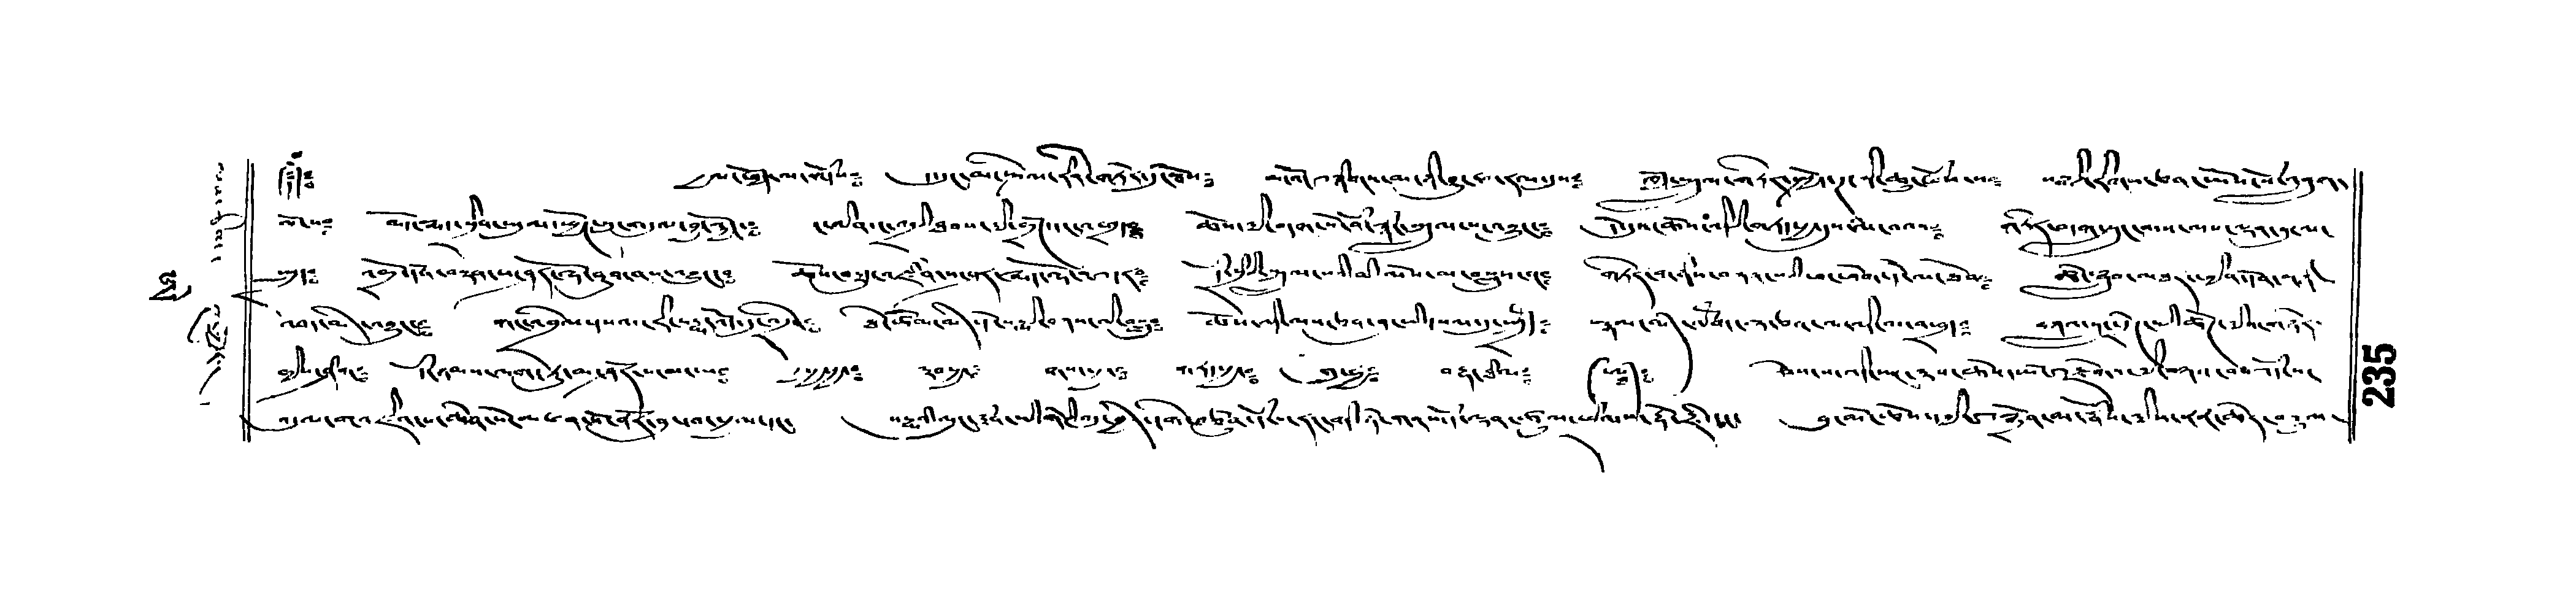རྒྱལ་ཁྱོད་ལ་གདམས༔ ད་དུང་མ་སྤེལ་རིན་ཆེན་གཏེར་དུ་སྦོས༔ མ་འོངས་སྙིགས་མ་ཉི་ཤུ་ཁ་རལ་དུས༔ ཁྱོད་སྤྲུལ་གཏེར་སྤྱོད་ཌཱ་ཀི་ཆུ་ཁམས་པ༔ པདྨའི་རིགས་ཅན་ཡོས་སམ་འབྲུག་
ལོ་པ༔ མདོ་སྨད་སྲིན་ཡུལ་ཕྱོགས་སུ་གདུལ་བྱ་སྐྱོང༔ ང་མིན་ང་འདྲའི་ཐབས་ཀྱི་གྲོགས་དང་འཕྲད༔ ཆོས་ཀྱི་བདག་པོ་ནམ་སྙིང་སྤྲུལ་པ་འབྱུང༔ དེ་དུས་ཆོས་འདིའི་གཏད་རྒྱ་དུས་ལ་བབས༔ གཏེར་བདག་སྲུང་མས་ལས་ལྡན་བུ་ལ་
སྤྲད༔ འགྲོ་དོན་བསྟན་པ་ཤར་ལྷོ་ནུབ་ནས་འབྱུང༔ ཆོས་བརྒྱུད་འཛིན་པ་ཤར་སྨད་ལྷོ་ནས་དར༔ དམ་སྲིའི་སྤྲུལ་པའི་མི་མོས་མ་བསླུས་ན༔ གཏེར་གཉིས་བསྟན་པའི་ཕ་ཕོགས་དེ་ལ་འཐོབ༔ ཚེ་སྒྲུབ་མཐར་ཕྱིན་དོན་གཉིས་
འབད་མེད་འབྱུང༔ གང་འབྲེལ་དཔལ་རི་པདྨ་འོད་དུ་འདྲེན༔ ཐེ་ཚོམ་མེད་དོ་པདྨའི་བཀས་མི་བསླུ༔ ཆོས་འདི་ལས་ཅན་བུ་ཡིས་དཔལ་དུ་སྤྲོད༔ སྐལ་མེད་ལོག་ལྟ་ཅན་ལ་འདི་མ་འཕྲད༔ བཀའ་སྲུང་དྲེགས་པའི་ཚོགས་ཀྱིས་གཉེར་
གྱིས་ཤིག༔ དམ་ཉམས་ལག་ཏུ་མ་ཤོར་ས་མ་ཡ༔ རྒྱ་རྒྱ་རྒྱ༔ ཟབ་རྒྱ༔ གསང་རྒྱ༔ གཏད་རྒྱ༔ གུ་ཧྱ༔ བརྡ་ཐིམ༔ ༔ ཅེས་པ་འདི་ཡང་ཟབ་ཆོས་ཡོངས་རྫོགས་ཀྱི་བཀའ་བབས་དམ་པ་
འདུལ་འཛིན་པ་ཆེན་པོ་མཁན་པོ་ནོར་བུ་དབང་རྒྱལ་དང་། པདྨའི་ལུང་ཟིན་ཡི་གེའི་འདུ་བྱེད་དགེ་བཙུན་དམ་པ་རང་གི་ཉེ་གནས་དམ་ལྡན་ཚུལ་ཁྲིམས་རྡོ་རྗེ་དང་། བུ་མོ་ཆོས་དབྱིངས་སྒྲོན་མ་རྣམས་ཀྱིས་ནན་ཆེར་བསྐུལ་